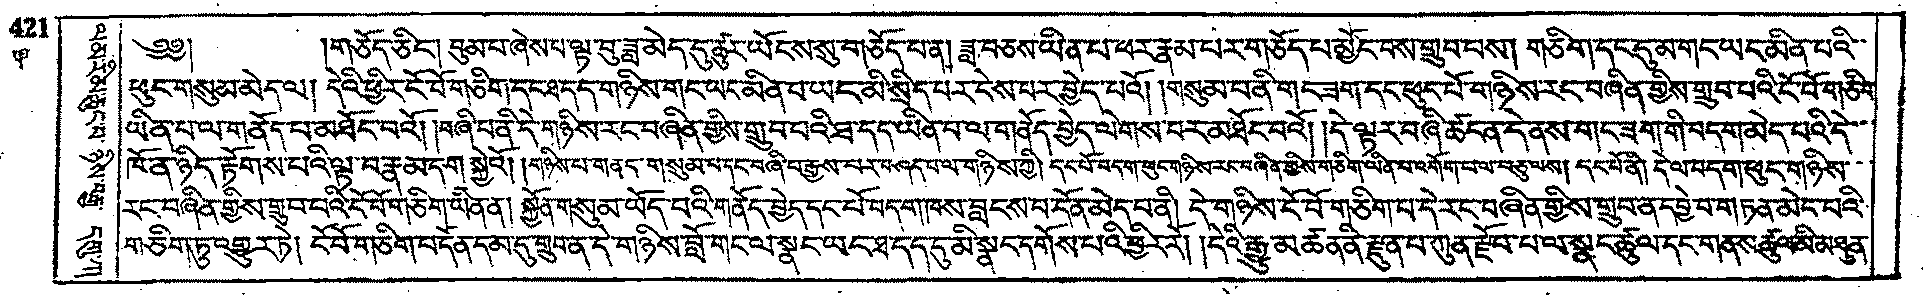༄༅། །གཅོད་ཅིང་། བུམ་པ་ཞེས་པ་ལྟ་བུ་ཟླ་མེད་དུ་ཚུར་ཡོངས་སུ་གཅོད་པ་ན། ཟླ་བཅས་ཡིན་པ་ཕར་རྣམ་པར་གཅོད་པ་མྱོང་བས་གྲུབ་པས། གཅིག་དང་དུ་མ་གང་ཡང་མིན་པའི་
ཕུང་གསུམ་མེད་ལ། དེའི་ཕྱིར་ངོ་བོ་གཅིག་དང་ཐ་དད་གཉིས་གང་ཡང་མིན་པ་ཡང་མི་སྲིད་པར་ངེས་པར་བྱེད་པའོ། །གསུམ་པ་ནི་གང་ཟག་དང་ཕུང་པོ་གཉིས་རང་བཞིན་གྱིས་གྲུབ་པའི་ངོ་བོ་གཅིག་
ཡིན་པ་ལ་གནོད་པ་མཐོང་བའོ། །བཞི་པ་ནི་དེ་གཉིས་རང་བཞིན་གྱིས་གྲུབ་པའི་ཐ་དད་ཡིན་པ་ལ་གནོད་བྱེད་ལེགས་པར་མཐོང་བའོ། །དེ་ལྟར་བཞི་ཚང་ན་དེ་ནས་གང་ཟག་གི་བདག་མེད་པའི་དེ་
ཁོ་ན་ཉིད་རྟོགས་པའི་ལྟ་བ་རྣམ་དག་སྐྱེའོ། །གཉིས་པ་གད་གསུམ་པ་དང་བཞི་པ་རྒྱས་པར་བཤད་པ་ལ་གཉིས་ཀྱི། དང་པོ་བདག་ཕུང་གཉིས་རང་བཞིན་གྱིས་གཅིག་ཡིན་པ་འགོག་པ་ལ་བཅུ་ལས། དང་པོ་ནི།  དེ་ལ་བདག་ཕུང་གཉིས་
རང་བཞིན་གྱིས་གྲུབ་པའི་ངོ་བོ་གཅིག་ཡིན་ན། སྐྱོན་གསུམ་ཡོད་པའི་གནོད་བྱེད་དང་པོ་བདག་ཁས་བླངས་པ་དོན་མེད་པ་ནི། དེ་གཉིས་ངོ་བོ་གཅིག་པ་དེ་རང་བཞིན་གྱིས་གྲུབ་ན་དབྱེ་བ་གཏན་མེད་པའི་
གཅིག་ཏུ་འགྱུར་ཏེ། ངོ་བོ་གཅིག་པ་དོན་དམ་དུ་གྲུབ་ན་དེ་གཉིས་བློ་གང་ལ་སྣང་ཡང་ཐ་དད་དུ་མི་སྣང་དགོས་པའི་ཕྱིར་རོ། །དེའི་རྒྱུ་མཚན་ནི་རྫུན་པ་ཀུན་རྫོབ་པ་ལ་སྣང་ཚུལ་དང་གནས་ཚུལ་མི་མཐུན་